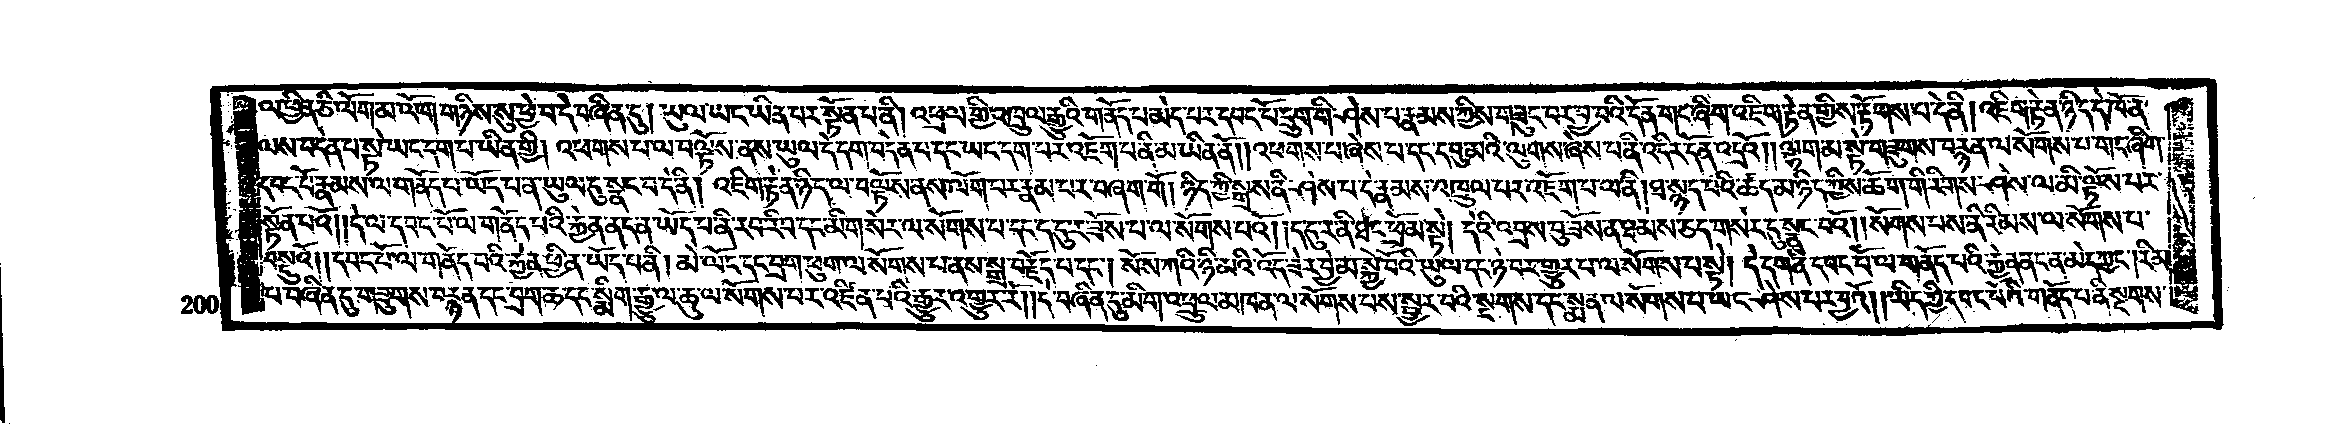ལ་ཕྱིན་ཅི་ལོག་མ་ལོག་གཉིས་སུ་ཕྱེ་བ་དེ་བཞིན་དུ། ཡུལ་ཡང་ཡིན་པར་སྟོན་པ་ནི། འཕྲལ་གྱི་འཁྲུལ་རྒྱུའི་གནོད་པ་མེད་པར་དབང་པོ་དྲུག་གི་ཤེས་པ་རྣམས་ཀྱིས་གཟུང་བར་བྱ་བའི་དོན་གང་ཞིག་འཇིག་རྟེན་གྱིས་རྟོགས་པ་དེ་ནི། འཇིག་རྟེན་ཉིད་དེ་ཁོ་ན་
ལས་བདེན་པ་སྟེ་ཡང་དག་པ་ཡིན་གྱི། འཕགས་པ་ལ་བལྟོས་ནས་ཡུལ་དེ་དག་བདེན་པ་དང་ཡང་དག་པར་འཇོག་པ་ནི་མ་ཡིན་ནོ། །འཕགས་པ་ཞེས་པ་དང་དབུ་མའི་ལུགས་ཞེས་པ་ནི་འདིར་དོན་འདྲའོ། །ལྷག་མ་སྟེ་གཟུགས་བརྙན་ལ་སོགས་པ་གང་ཞིག་
དབང་པོ་རྣམས་ལ་གནོད་པ་ཡོད་པ་ན་ཡུལ་དུ་སྣང་བ་དེ་ནི། འཇིག་རྟེན་ཉིད་ལ་བལྟོས་ནས་ལོག་པར་རྣམ་པར་བཞག་གོ །ཉིད་ཀྱི་སྒྲས་ནི་ཤེས་པ་དེ་རྣམས་འཁྲུལ་པར་འཇོག་པ་ལ་ནི། ཐ་སྙད་པའི་ཚད་མ་ཉིད་ཀྱིས་ཆོག་གི་རིགས་ཤེས་ལ་མི་ལྟོས་པར་
སྟོན་པའོ། །དེ་ལ་དབང་པོ་ལ་གནོད་པའི་རྐྱེན་ནང་ན་ཡོད་པ་ནི་རབ་རིབ་དང་མིག་སེར་ལ་སོགས་པ་དང་ད་དུ་ར་ཟོས་པ་ལ་སོགས་པའོ། །ད་དུ་ར་ནི་ཐང་ཕྲོམ་སྟེ། དེའི་འབྲས་བུ་ཟོས་ན་ཐམས་ཅད་གསེར་དུ་སྣང་བའོ། །སོགས་པས་ནི་རིམས་ལ་སོགས་པ་
བསྡུའོ། །དབང་པོ་ལ་གནོད་པའི་རྐྱེན་ཕྱི་ན་ཡོད་པ་ནི། མེ་ལོང་དང་བྲག་ཕུག་ལ་སོགས་པ་ནས་སྒྲ་བརྗོད་པ་དང་། སོས་ཀའི་ཉི་མའི་འོད་ཟེར་བྱེ་མ་སྐྱེ་བོའི་ཡུལ་དང་ཉེ་བར་གྱུར་པ་ལ་སོགས་པ་སྟེ། དེ་དག་ནི་དབང་པོ་ལ་གནོད་པའི་རྐྱེན་ནང་ན་མེད་ཀྱང་། རིམ་
པ་བཞིན་དུ་གཟུགས་བརྙན་དང་བྲག་ཆ་དང་སྨིག་རྒྱུ་ལ་ཆུ་ལ་སོགས་པར་འཛིན་པའི་རྒྱུར་འགྱུར་རོ། །དེ་བཞིན་དུ་མིག་འཕྲུལ་མཁན་ལ་སོགས་པས་སྦྱར་བའི་སྔགས་དང་སྨན་ལ་སོགས་པ་ཡང་ཤེས་པར་བྱའོ། །ཡིད་ཀྱི་དབང་པོའི་གནོད་པ་ནི་སྔགས་